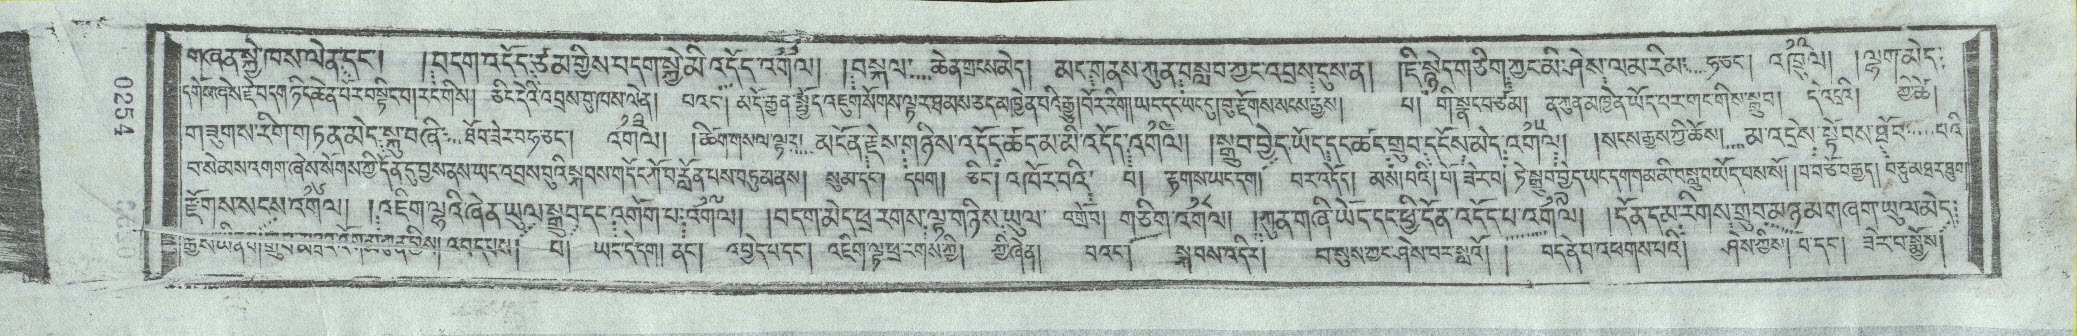གཞན་སྐྱེ་ཁས་ལེན་དང་། །བདག་འདོད་ཙམ་གྱིས་བདག་སྐྱེ་མི་འདོད་འགལ། །བསྐལ་ཆེན་གྲངས་མེད། མང་གནས་ཀུན་བསླབ་ཀྱང་འབྲས་དུས་ན། །ཇི་སྙེད་གཅིག་ཀྱང་མི་ཤེས་ལམ་རིམ། ཧ་ཅང་། འཁྲུལ། །ལྷག་མེད་
དགོས་ཞེས་རྗེ་བདག་ཉིད་ཆེན་པོར་བསྙིང་བ། རང་གིས། ཅིང་དྲེའི་འབྲས་བུ་ཁས་ལེན། པའང་། མདོ་རྒྱན་སྤྱོད་འཇུག་སོགས་ལྟར་ཐམས་ཅད་མཁྱེན་པའི་རྒྱུ། བོར་རིག། ཡང་དང་ཡང་དུ། བུ་རྫོགས་སངས་རྒྱས། པ། གི་སྣང་བཙམ། ན་ཀུན་མཁྱེན་ཡོད་པར་གང་གིས་ལྷུབ། དེ་འདྲའི། ?་ཚེ།
གཟུགས་རིག་གཏན་མེད་སྐུ་བཞི་ཐོབ་ཟེར་བ་ཧ་ཅང་། འགལ། །ཚིགས་གསལ་ལྟར། མངོན་རྗེས་གཉིས་འདོད་ཚད་མ་མི་འདོད་འགལ། །སྒྲུབ་བྱེད་ཡོད་དང་ཚང་གྲུབ་དངོས་མེད་འགལ། །སངས་རྒྱས་ཀྱི་ཆོས། མ་འདྲེས་སྟོབས་ཐོབ་བའི་
བསེམས་འགག་གཞེས་སོགས་གྱི་དོན་དུ་བྱས་ནས་ཡང་འབྲས་བུའི་སྐབས་གདོང་ཀོབ་རློན་བས་བཏུམ་ནས། སུམ་དང་། ད་ཨ། ཅིང་། འཁོར་བའི་བ། རྟགས་ཡང་དག །བར་འདོད། མས། བའཾ། པོ། ཟེར་པ། ཏེ་སྒྱུར་བྱེད་ཡང་དགག་མ་མི་བསླུབ་ཡོད་བས་སོ། །བཅོ་བརྒྱད། བཅུ་མ་ཐར་ཐུག་
རྫོགས་སངས་འགལ། །འཇིག་ལྷའི་ཞེན་ཡུལ་སྒྲུབ་དང་འགོག་པ་འགལ། །བདག་མེད་ཕྲ་རགས་ལྟ་གཉིས་ཡུལ་འགྲོབ། གཅིག་འགལ། །ཀུན་གཞི་ཡོད་དང་ཕྱི་དོན་འདོད་པ་འགལ། །དོན་དམ་རིགས་གྲུབ་མཉམ་གཞག་ཡུལ་མེད་
རྒྱས་ཡིན་བ། གྲུབ་མཐར་འོག་མ་ཀྱན་བྱིས། འབད་པས། པ། ཡང་དེ་དག། ནང་། འབྱེད་པ་དང་། འཇིག་ལྟ་བྲ་རགས་ཀྱི། ཀྱི་ཞེན། བའང་། སྐབས་འདིར། བ་སུས་ཀྱང་ཤེས་བར་སླའོ། བདེན་པ་འཕགས་པའི། ཤེས་ཀྱིས། བ་དང་། ཐེབ་པ་སྨྱོས།